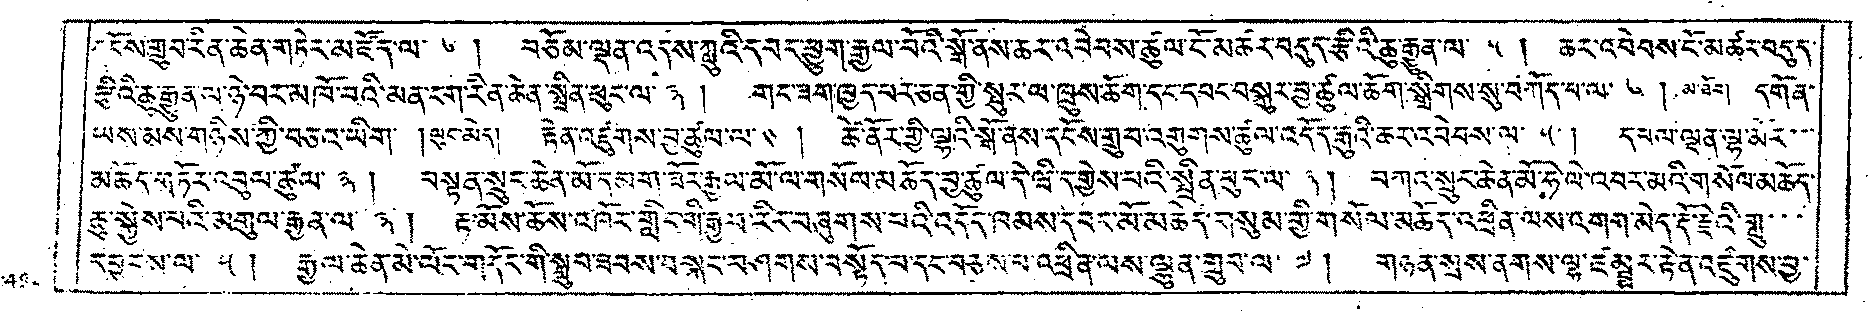དངོས་གྲུབ་རིན་ཆེན་གཏེར་མཛོད་ལ ༦། བཅོམ་ལྡན་འདས་ཀླུའི་དབང་ཕྱུག་རྒྱལ་པོའི་སྒོ་ནས་ཆར་འབེབས་ཚུལ་ངོ་མཚར་བདུད་རྩིའི་ཆུ་རྒྱུན་ལ ༥། ཆར་འབེབས་ངོ་མཚར་བདུད་
རྩིའི་ཆུ་རྒྱུན་ལ་ཉེ་བར་མཁོ་བའི་མན་ངག་རིན་ཆེན་སྤྲིན་ཕུང་ལ ༣། གང་ཟག་ཁྱད་པར་ཅན་གྱི་སྤུར་ལ་ཁྲུས་ཆོག་དང་དབང་བསྐུར་བྱ་ཚུལ་ཆོག་སྒྲིགས་སུ་བཀོད་པ་ལ ༦། མ་ཐོབ།  དགོན་
ཡ་ས་མས་གཉིས་ཀྱི་བཅའ་ཡིག ། ལུང་མེད།  རྟེན་འཛུགས་བྱ་ཚུལ་ལ ༤། ཚེ་ནོར་གྱི་ལྷའི་སྒོ་ནས་དངོས་གྲུབ་འགུགས་ཚུལ་འདོད་རྒུའི་ཆར་འབེབས་ལ ༥། དཔལ་ལྡན་ལྷ་མོར་
མཆོད་གཏོར་འབུལ་ཚུལ ༣། བསྟན་སྲུང་ཆེན་མོ་དམག་ཟོར་རྒྱལ་མོ་ལ་གསོལ་མཆོད་བྱ་ཚུལ་དེ་ཝི་དགྱེས་པའི་སྤྲིན་ཕུང་ལ ༣། བཀའ་སྲུང་ཆེན་མོ་ཧེ་ལེ་འབར་མའི་གསོལ་མཆོད་
ཆུ་སྐྱེས་པའི་མགུལ་རྒྱན་ལ ༣། རྟ་མོས་ཆོས་འཁོར་གླིང་གི་རྒྱབ་རིར་བཞུགས་པའི་འདོད་ཁམས་དབང་མོ་མཆེད་གསུམ་གྱི་གསོལ་མཆོད་འཕྲིན་ལས་འགག་མེད་རྡོ་རྗེའི་གླུ་
དབྱངས་ལ ༥། རྒྱལ་ཆེན་མེ་ལོང་གདོང་གི་སྒྲུབ་ཐབས་བསྐང་བཤགས་བསྟོད་པ་དང་བཅས་པ་འཕྲིན་ལས་ལྷུན་གྲུབ་ལ ༧། གཉན་སྲས་ནགས་ལྷ་ཛམྦྷར་རྟེན་འཛུགས་བྱ་